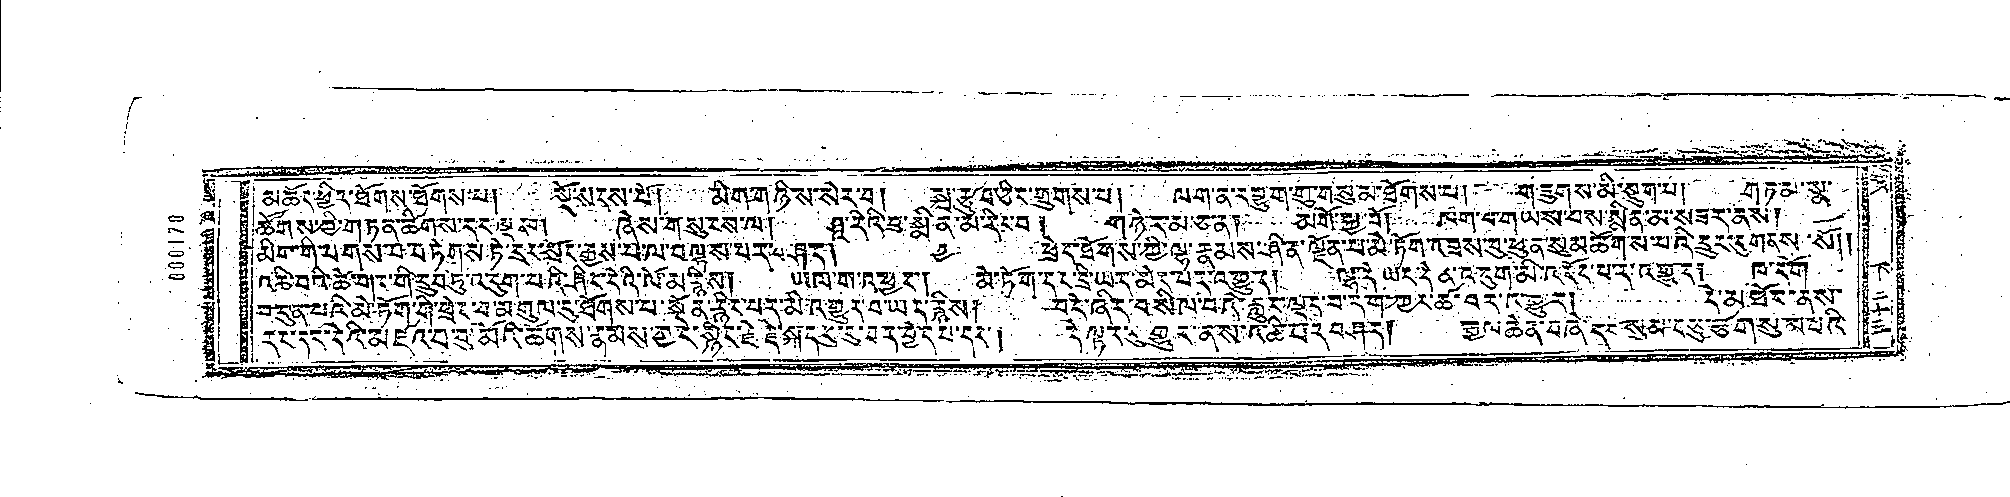མཚོད་ཕྱིར་ཐོགས་ཐོགས་པ། སྡོ་སངས་པོ། མིག་གཉིས་སེར་བ། སྐྲ་རྩུབ་ཅིང་གྲུགས་པ། ལག་ན་དབྱུག་གུ་གསུམ་ཐོགས་པ། གཟུགས་མི་སྡུག་པ། གཏམ་སྣ་
ཚོགས་ཀྱི་གཏན་ཚིགས་དང་ལྡན་བ། ཞེས་གསུངས་ལ། ཤཱ་རིའི་བུ་སྨིན་མ་རིང་བ། གཉེད་མ་ཅན། མགོ་སྐྱ་བོ། ལག་པ་གཡས་པས་སྨིན་མས་ཟད་ནས།
མིག་གི་པགས་པ་བཏེགས་ཏེ་དྲང་སྲོང་རྒྱས་པ་ལ་བལྟས་པར་བཤད། ༧་ཕྲེང་ཐོགས་ཀྱི་ལྷ་རྣམས་ཤིན་ལྗོན་པ་མེ་ཏོག་འབྲས་བུ་ཕུན་སུམ་ཚོགས་པའི་དྲུང་དུ་གནས་སོ། །
འཆི་བའི་ཚེ་གང་གི་དྲུབ་ཏུ་འདུག་པའི་ཤིང་དེའི་ལོ་མ་རྙིས། ཡལ་ག་འཕྱད། མེ་ཏོག་དང་དྲི་ཡང་མེད་པར་འགྱུར། ལྷ་དེ་ཡང་དེ་ན་འདུག་མི་འདོད་པར་འགྱུར། ཁ་དགོ་
བདུན་པའི་མེ་ཏོག་གི་ཕྲེང་བ་མགུལ་དུ་ཐོགས་པ་སྔོན་རྙིང་པར་མི་འགྱུར་བ་ཡང་རྙིས། བདེ་ཞིང་བསིལ་བའི་རླུང་ལྡང་བ་དག་ཀྱང་ཚ་བར་འགྱུར། དེ་མཐོང་ནས་
རང་དང་དེའི་མཛའ་བ་བུ་མོའི་ཚོགས་རྣམས་ཀྱང་སྙིང་རྗེ་རྗེ་སྐད་དུ་དུ་བར་བྱེད་པ་དང་། དེ་ལྟར་བུ་གྱུར་ནས་འཆི་པར་བཤད། རྒྱལ་ཆེན་བཞི་དང་སུམ་བཅུ་རྩ་གསུམ་པའི་